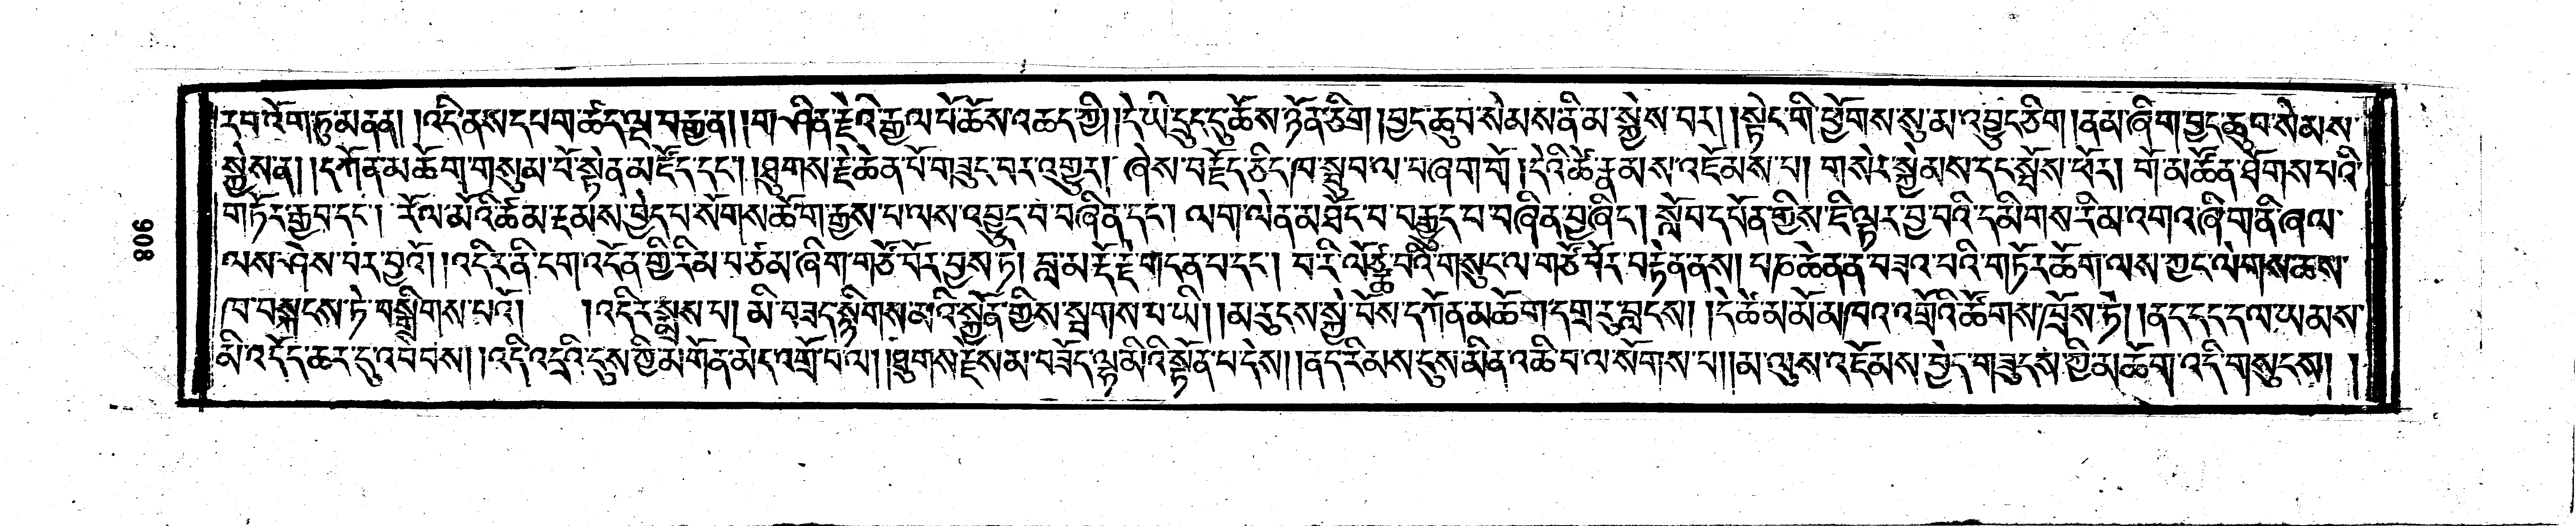རབ་འོག་ཏུ་མནན། །འདི་ནས་དཔག་ཚད་ལྔ་བརྒྱ་ན། །གཤིན་རྗེའི་རྒྱལ་པོ་ཆོས་འཆད་ཀྱི། །དེ་ཡི་དྲུང་དུ་ཆོས་ཉོན་ཅིག །བྱང་ཆུབ་སེམས་ནི་མ་སྐྱེས་བར། །སྟེང་གྱི་ཕྱོགས་སུ་མ་འབྱུང་ཅིག །ནམ་ཞིག་བྱང་ཆུབ་སེམས་
སྐྱེས་ན། །དཀོན་མཆོག་གསུམ་པོ་སྟེན་མཛོད་དང་། །ཐུགས་རྗེ་ཆེན་པོ་གཟུང་བར་འགྱུར། ཞེས་བརྗོད་ཅིང་ཁ་སྦུབ་ལ་བཞག་གོ །དེའི་ཚེ་རྣམས་འཇོམས་པ། གསེར་སྐྱེམས་དང་སྤོས་ཕོར། གོ་མཚོན་ཐོགས་པའི་
གཏོར་རྒྱབ་དང་། རོལ་མོའི་ཚམ་རྡམས་བྱེད་པ་སོགས་ཆོ་ག་རྒྱས་པ་ལས་འབྱུང་བ་བཞིན་དང་། ལག་ལེན་མཐོང་བ་བརྒྱུད་པ་བཞིན་བྱ་ཞིང་། སློབ་དཔོན་གྱིས་ཇི་ལྟར་བྱ་བའི་དམིགས་རིམ་འགའ་ཞིག་ནི་ཞལ་
ལས་ཤེས་པར་བྱའོ། །འདིར་ནི་ངག་འདོན་གྱི་རིམ་པ་ཙམ་ཞིག་གཙོ་བོར་བྱས་ཏེ། བླ་མ་རྡོ་རྗེ་གདན་པ་དང་། བ་རི་ལོ་ཙྪ་བའི་གསུང་ལ་གཙོ་བོར་བརྟེན་ནས། པཎ་ཆེན་ན་བཟའ་པའི་གཏོར་ཆོག་ལས་ཀྱང་ལེགས་ཆས་
ཁ་བསྐངས་ཏེ་བསྒྲིགས་པའོ། །འདིར་སྨྲས་པ། མི་བཟད་སྙིགས་མའི་སྐྱོན་གྱིས་སྦགས་པ་ཡི། །མ་རུངས་སྐྱེ་བོས་དཀོན་མཆོག་དགྲ་རུ་བླངས། །དེ་ཚེ་མ་མོ་མཁའ་འགྲོའི་ཚོགས་ཁྲོས་ཏེ། །ནད་དང་དལ་ཡམས་
མི་འདོད་ཆར་དུ་འབབས། །འདི་འདྲའི་དུས་ཀྱི་མགོན་མེད་འགྲོ་བ་ལ། །ཐུགས་རྗེས་མ་བཟོད་ལྷ་མིའི་སྟོན་པ་དེས། །ནད་རིམས་དུས་མིན་འཆི་བ་ལ་སོགས་པ། །མ་ལུས་འཇོམས་བྱེད་གཟུངས་ཀྱི་མཆོག་འདི་གསུངས། །